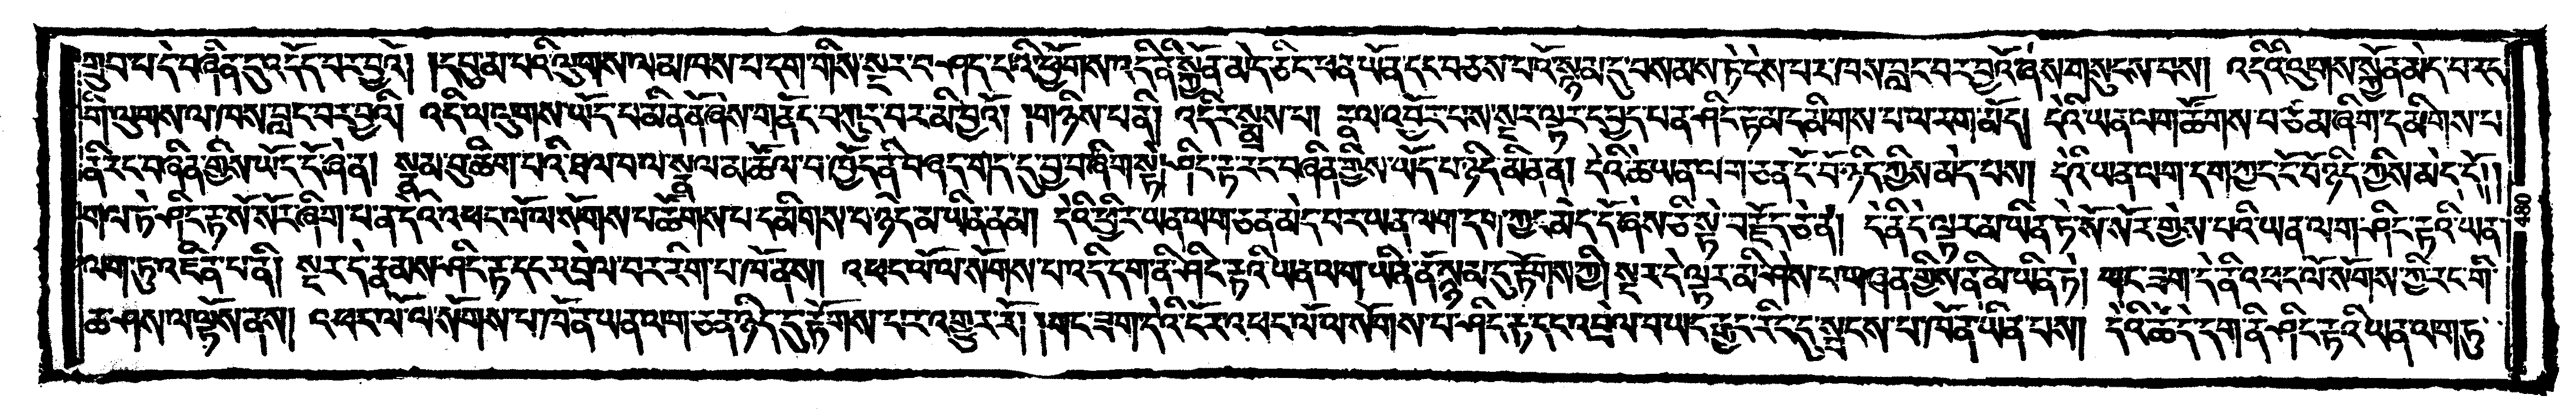གྲུབ་པ་དེ་བཞིན་དུ་འདོད་པར་བྱའོ། །དབུ་མ་པའི་ལུགས་ལ་མཁས་པ་དག་གིས་སྔར་བཤད་པའི་ཕྱོགས་འདི་ནི་སྐྱོན་མེད་ཅིང་ཕན་ཡོན་དང་བཅས་པའོ་སྙམ་དུ་བསམས་ཏེ་ངེས་པར་ཁས་བླང་བར་བྱའོ་ཞེས་གསུངས་པས། འདིའི་ལུགས་སྐྱོན་མེད་པ་རང་
གི་ལུགས་ལ་ཁས་བླང་བར་བྱའི། །འདི་ལ་ལུགས་ཡོད་པ་མིན་ནོ་ཞེས་གནོད་བཀུར་བར་མི་བྱའོ། །གཉིས་པ་ནི། འདིར་སྨྲས་པ། རྣལ་འབྱོར་པས་སྔར་ལྟར་དཔྱད་པ་ན་ཤིང་རྟ་མ་དམིགས་པ་ལ་རག་མོད། དེའི་ཡན་ལག་ཚོགས་པ་ཙམ་ཞིག་དམིགས་པ་
ནི་རང་བཞིན་གྱིས་ཡོད་དོ་ཞེ་ན། སྣམ་བུ་ཚིག་པའི་ཐལ་བ་ལ་སྣལ་མ་ཚོལ་བ་ཁྱོད་ནི་བཞད་གད་དུ་བྱ་བ་ཞིག་སྟེ། ཤིང་རྟ་རང་བཞིན་གྱིས་ཡོད་པ་ཉིད་མིན་ན། དེའི་ཚེ་ཡན་ལག་ཅན་ངོ་བོ་ཉིད་ཀྱིས་མེད་པས། དེའི་ཡན་ལག་དག་ཀྱང་ངོ་བོ་ཉིད་ཀྱིས་མེད་དོ།།
གལ་ཏེ་ཤིང་རྟ་སོ་སོར་ཞིག་པ་ན་དེའི་འཕང་ལོ་ལ་སོགས་པ་ཚོགས་པ་དམིགས་པ་ཉིད་མ་ཡིན་ནམ། དེའི་ཕྱིར་ཡན་ལག་ཅན་མེད་པར་ཡན་ལག་དག་ཀྱང་མེད་དོ་ཞེས་ཅི་སྟེ་བརྗོད་ཅེ་ན། དེ་ནི་དེ་ལྟར་མ་ཡིན་ཏེ་སོ་སོར་གྱེས་པའི་ཡན་ལག་ཤིང་རྟའི་ཡན་
ལག་ཏུ་འཛིན་པ་ནི། སྔར་དེ་རྣམས་ཤིང་རྟ་དང་འབྲེལ་བར་རིག་པ་ཁོ་ནས། འཕང་ལོ་ལ་སོགས་པ་འདི་དག་ནི་ཤིང་རྟའི་ཡན་ལག་ཡིན་ནོ་སྙམ་དུ་རྟོགས་ཀྱི། སྔར་དེ་ལྟར་མི་ཤེས་པ་གཞན་གྱིས་ནི་མ་ཡིན་ཏེ། གང་ཟག་དེ་ནི་འཕང་ལོ་སོགས་ཀྱི་རང་གི་
ཆ་ཤས་ལ་ལྟོས་ནས། འཕང་ལོ་ལ་སོགས་པ་ཁོ་ན་ཡན་ལག་ཅན་ཉིད་དུ་རྟོགས་པར་འགྱུར་རོ། །གང་ཟག་དེའི་ངོར་འཕང་ལོ་ལ་སོགས་པ་ཤིང་རྟ་དང་འབྲེལ་བ་ཡང་རྒྱང་རིང་དུ་སྤངས་པ་ཁོ་ན་ཡིན་པས། དེའི་ཚེ་དེ་དག་ནི་ཤིང་རྟའི་ཡན་ལག་ཏུ་